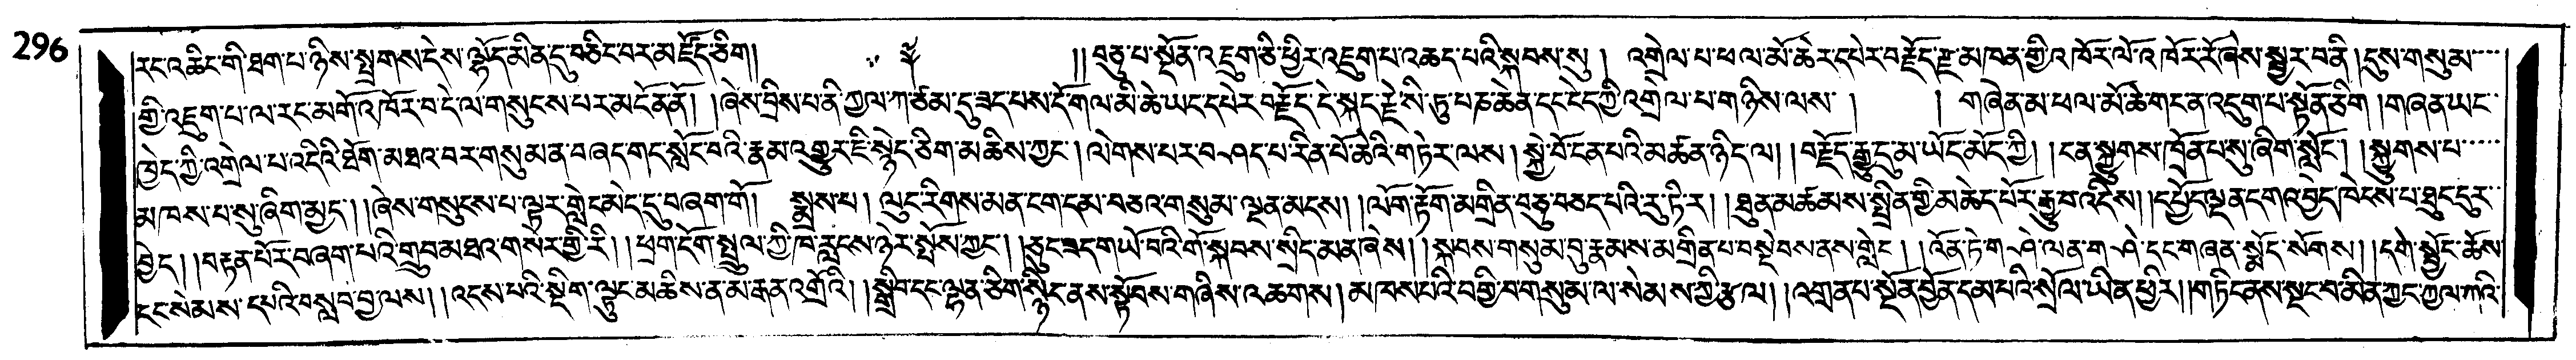རང་འཆིང་གི་ཐག་པ་ཉིས་སྤྲགས་དེས་ལྷོད་མིན་དུ་བཅིང་བར་མཛོད་ཅིག། འ་།།བཅུ་པ་སྔོན་འཇུག་ཅི་ཕྱིར་འཇུག་པ་འཆད་པའི་སྐབས་སུ། འགྲེལ་པ་ཕལ་མོ་ཆེར་དཔེར་བརྗོད་རྫ་མཁན་གྱི་འཁོར་ལོ་འཁོར་རོ་ཞེས་སྦྱར་བ་ནི། དུས་གསུམ་
གྱི་འཇུག་པ་ལ་རང་མགོ་འཁོར་བ་དེ་ལ་གསུངས་པར་མངོན་ནོ། །ཞེས་བྲིས་པ་ནི་ཁྱལ་ཀ་ཙམ་དུ་ཟད་པས་དོ་གལ་མི་ཆེ་ཡང་དཔེར་བརྗོད་དེ་སྐད་རྗེ་སི་ཏུ་པཎ་ཆེན་དང་ངེད་ཀྱི་འགྲེལ་པ་གཉིས་ལས། །གཞེན་མ་ཕལ་མོ་ཆེ་གང་ན་འདུག་པ་སྟོན་ཅིག །གཞན་ཡང་
ཁྱེད་ཀྱི་འགྲེལ་པ་འདིའི་ཐོག་མཐའ་བར་གསུམ་ན་བཞད་གང་སློང་བའི་རྣམ་འགྱུར་ཇི་སྙེད་ཅིག་མཆིས་ཀྱང་། ལེགས་པར་བཤད་པ་རིན་པོ་ཆེའི་གཏེར་ལས། སྐྱེ་བོ་ངན་པའི་མཚན་ཉིད་ལ། །བརྗོད་རྒྱུ་དུ་མ་ཡོད་མོད་ཀྱི། །ངན་སྐྱུགས་ཁྲོན་པ་སུ་ཞིག་སློང་། །སྐྱུགས་པ་
མཁས་པ་སུ་ཞིག་མྱད། །ཞེས་གསུངས་པ་ལྟར་གླེང་མེད་དུ་བཞག་གོ། སྨྲས་པ། ལུང་རིགས་མན་ངག་དམ་བཅའ་གསུམ་ལྡན་མདས། །ལོག་རྟོག་མགྲིན་བཅུ་བཅད་པའི་རུ་ཏི་ར། །ཐུན་མཚམས་སྤྲིན་གྱི་མཆེད་པོར་རྒྱུ་བ་འདིས། །དཔྱོད་ལྡན་ཁེངས་པ་ཐུང་དུར་
བྱེད། །བརྟན་པོར་བཞག་པའི་གྲུབ་མཐའ་གསེར་གྱི་རི། །ཕྲག་དོག་སྤྲུལ་ཀྱི་རླངས་ཉེར་སྤོས་ཀྱང་། །ཅུང་ཟད་གཡོ་བའི་གོ་སྐབས་སྲིད་མན་ཞེས། །སྐབས་གསུམ་བུ་རྣམས་མགྲིན་པ་བསྡེབས་ནས་གླེང་། །འོན་ཏེ་གཤེ་ལན་འགྴེ་དང་གཞན་སྨོད་སོགས། །དགེ་སྤྱོད་ཆོས་
དང་སེམས་དཔའི་བསླབ་བྱ་ལས། །འདས་པའི་སྡིག་ལྟུང་མཆིས་ན་མ་རྒན་འགྲོའི། །སྒྲིབ་དང་ལྷན་ཅིག་སྙིང་ནས་སྟོབས་གཞིས་འཆགས། མཁས་པའི་བགྱི་བ་གསུམ་ལ་སེམས་ཀྱི་རྩལ། །འགྲན་པ་སྔོན་བྱོན་དམ་པའི་སྲོལ་ཡིན་ཕྱིར། །གཏིང་ནས་སྔ་བ་མིན་ཀྱང་ཀྱལ་ཀའ་